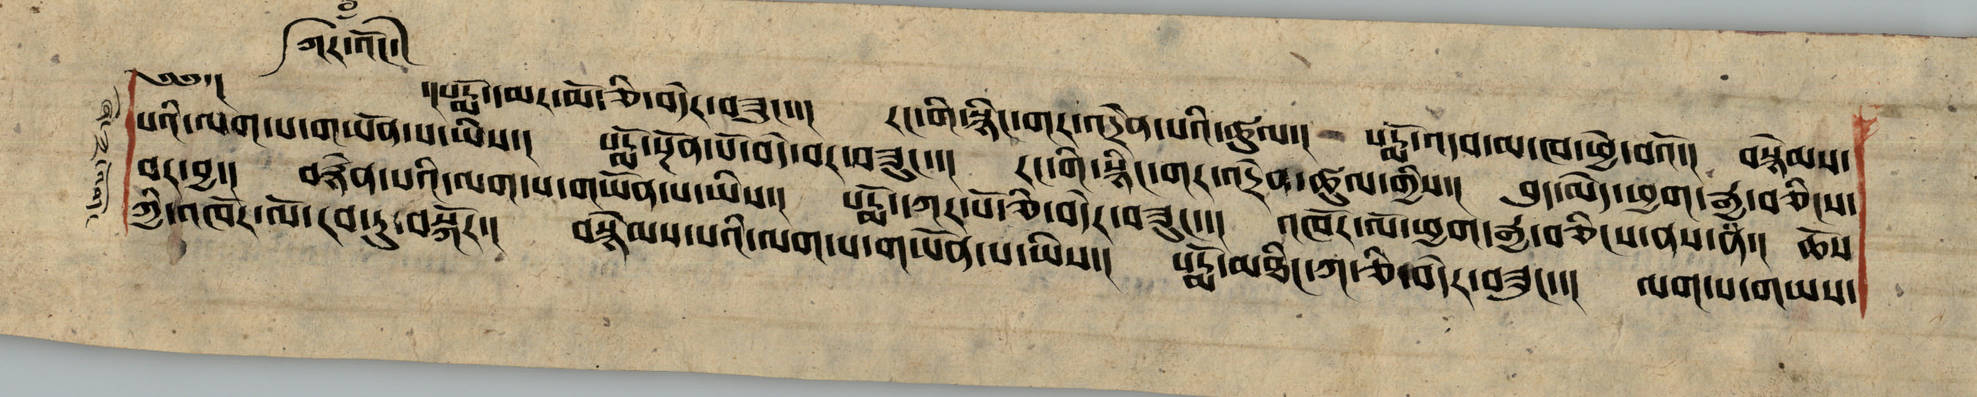༄༅་། ་།པདྨོ་དམར་མོ་ཅི་བདེར་བཟུང་་། རང་གི་སྙིང་གར་འདྲེན་པའི་ཚུལ་། པདྨོ་འདབ་མ་ཁ་ཕྱེ་བའོ་། བསྙེམས་
པའི་ལག་པ་གཡོན་པ་ཡིས་། པདྨོ་སྔོན་པོ་བདེ་བར་བཟུང་་། རང་གི་སྙིང་གར་འདྲེན་ཚུལ་གྱིས་། བུད་མེད་ཕྱག་རྒྱ་བཅིངས་
བར་བྱ་། བརྙན་པའི་ལག་པ་གཡོན་པ་ཡིས་། པདྨོ་དཀར་པོ་ཅི་བདེར་བཟུང་་། འཁོར་ལོ་ཕྱག་རྒྱ་བཅིངས་ནས་ནི་། ཆོས
ཀྱི་འཁོར་ལོ་རབ་ཏུ་བསྐོར་། བསྙེམས་པའི་ལག་པ་གཡོན་པ་ཡིས་། པདྨོ་མཐིང་ཀ་ཅི་བདེར་བཟུང་་། ལག་པ་གཡས་